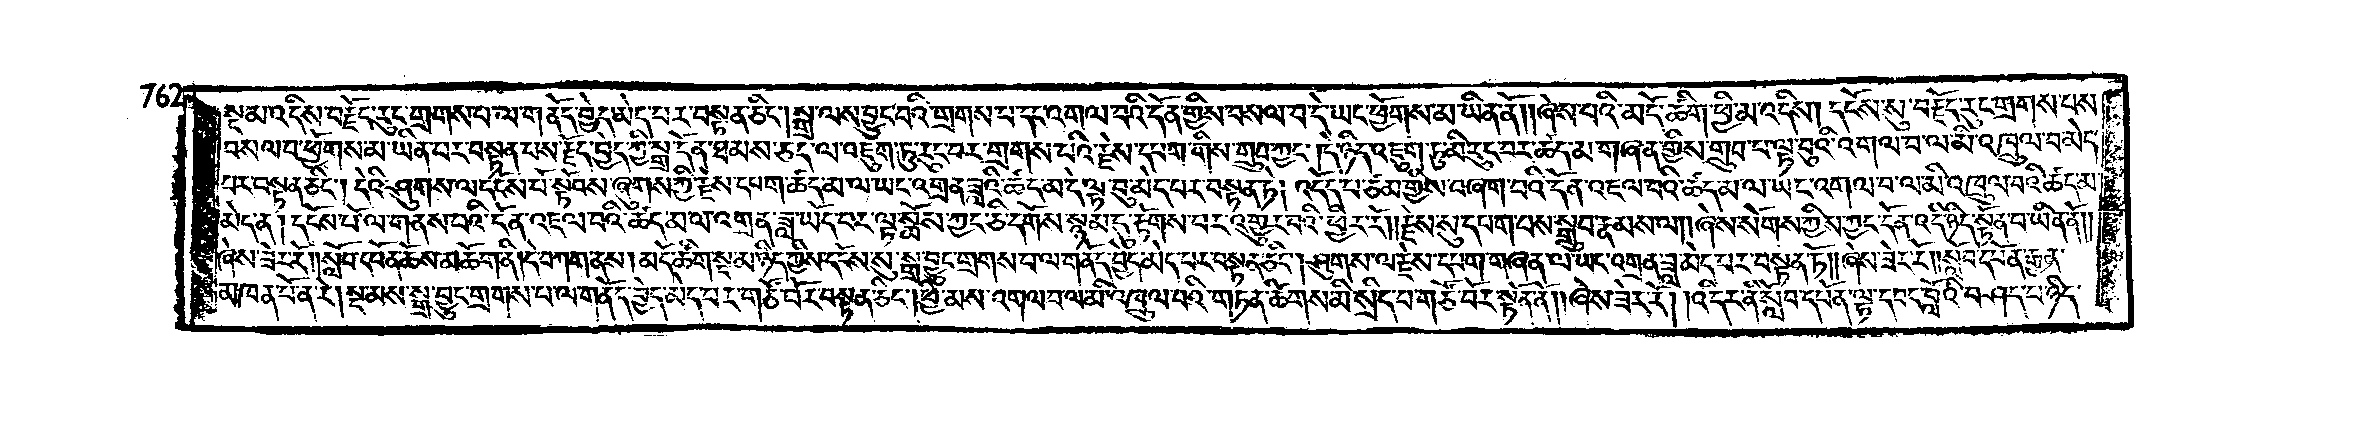སྔ་མ་འདིས་བརྗོད་རུང་གྲགས་པ་ལ་གནོད་བྱེད་མེད་པར་བསྟན་ཅིང་། སྒྲ་ལས་བྱུང་བའི་གྲགས་པ་དང་འགལ་བའི་དོན་གྱིས་བསལ་བ་དེ་ཡང་ཕྱོགས་མ་ཡིན་ནོ། །ཞེས་པའི་མདོ་ཚིག་ཕྱི་མ་འདིས། དངོས་སུ་བརྗོད་རུང་གྲགས་པས་
བསལ་བ་ཕྱོགས་མ་ཡིན་པར་བསྟན་པས་རྗོད་བྱེད་ཀྱི་སྒྲ་དོན་ཐམས་ཅད་ལ་འཇུག་ཏུ་རུང་བར་གྲགས་པའི་རྗེས་དཔག་གིས་གྲུབ་ཀྱང་། དེ་ཉིད་འཇུག་ཏུ་མི་རུང་བར་ཚད་མ་གཞན་གྱིས་གྲུབ་པ་ལྟ་བུའི་འགལ་བ་ལ་མི་འཁྲུལ་བ་མེད་
པར་བསྟན་ཅིང་། དེའི་ཤུགས་ལ་དངོས་པོ་སྟོབས་ཞུགས་ཀྱི་རྗེས་དཔག་ཚད་མ་ལ་ཡང་འགྲན་ཟླའི་ཚད་མ་དེ་ལྟ་བུ་མེད་པར་བསྟན་ཏེ། འདོད་པ་ཙམ་གྱིས་བཞག་པའི་དོན་འཇལ་བའི་ཚད་མ་ལ་ཡང་འགལ་བ་ལ་མི་འཁྲུལ་བའི་ཚད་མ་
མེད་ན། དངོས་པོ་ལ་གནས་པའི་དོན་འཇལ་བའི་ཚད་མ་ལ་འགྲན་ཟླ་ཡོད་པར་ལྟ་སྨོས་ཀྱང་ཅི་དགོས་སྙམ་དུ་རྟོགས་པར་འགྱུར་བའི་ཕྱིར་རོ། །རྗེས་སུ་དཔག་པས་སྒྲུབ་རྣམས་ལ། །ཞེས་སོགས་ཀྱིས་ཀྱང་དོན་འདི་ཉིད་སྟོན་པ་ཡིན་ནོ། །
ཞེས་ཟེར་རོ། །སློབ་དཔོན་ཆོས་མཆོག་ནི། དེ་བཀག་ནས། མདོ་ཚིག་སྔ་མ་ཉིད་ཀྱིས་དངོས་སུ་སྒྲ་བྱུང་གྲགས་པ་ལ་གནོད་བྱེད་མེད་པར་བསྟན་ཅིང་། ཤུགས་ལ་རྗེས་དཔག་གཞན་ལ་ཡང་འགྲན་ཟླ་མེད་པར་བསྟན་ཏོ། །ཞེས་ཟེར་རོ། །སློབ་དཔོན་རྒྱན་
མཁན་པོ་ན་རེ། སྔ་མས་སྒྲ་བྱུང་གྲགས་པ་ལ་གནོད་བྱེད་མེད་པར་གཙོ་བོར་བསྟན་ཅིང་། ཕྱི་མས་འགལ་བ་ལ་མི་འཁྲུལ་བའི་གཏན་ཚིགས་མི་སྲིད་པ་གཙོ་བོར་སྟོན་ནོ། །ཞེས་ཟེར་རོ། །འདིར་ནི་སློབ་དཔོན་ལྷ་དབང་བློའི་བཤད་པ་ཉིད་